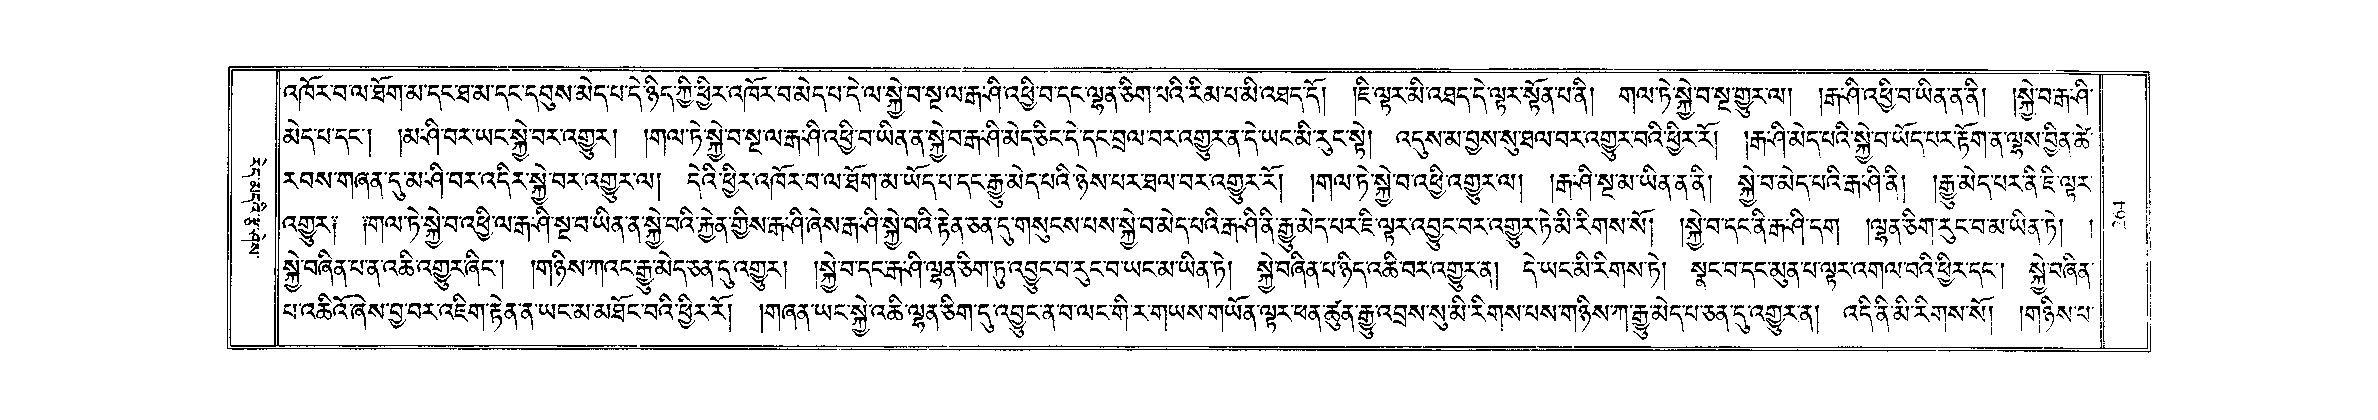འཁོར་བ་ལ་ཐོག་མ་དང་ཐ་མ་དང་དབུས་མེད་པ་དེ་ཉིད་ཀྱི་ཕྱིར་འཁོར་བ་མེད་པ་དེ་ལ་སྐྱེ་བ་སྔ་ལ་རྒ་ཤི་འཕྱི་བ་དང་ལྷན་ཅིག་པའི་རིམ་པ་མི་འཐད་དོ། །ཇི་ལྟར་མི་འཐད་དེ་ལྟར་སྟོན་པ་ནི། གལ་ཏེ་སྐྱེ་བ་སྔ་གྱུར་ལ། །རྒ་ཤི་འཕྱི་བ་ཡིན་ན་ནི། །སྐྱེ་བ་རྒ་ཤི་
མེད་པ་དང་། །མ་ཤི་བར་ཡང་སྐྱེ་བར་འགྱུར། །གལ་ཏེ་སྐྱེ་བ་སྔ་ལ་རྒ་ཤི་འཕྱི་བ་ཡིན་ན་སྐྱེ་བ་རྒ་ཤི་མེད་ཅིང་དེ་དང་བྲལ་བར་འགྱུར་ན་དེ་ཡང་མི་རུང་སྟེ། འདུས་མ་བྱས་སུ་ཐལ་བར་འགྱུར་བའི་ཕྱིར་རོ། །རྒ་ཤི་མེད་པའི་སྐྱེ་བ་ཡོད་པར་རྟོག་ན་ལྷས་བྱིན་ཚེ་
རབས་གཞན་དུ་མ་ཤི་བར་འདིར་སྐྱེ་བར་འགྱུར་ལ། དེའི་ཕྱིར་འཁོར་བ་ལ་ཐོག་མ་ཡོད་པ་དང་རྒྱུ་མེད་པའི་ཉེས་པར་ཐལ་བར་འགྱུར་རོ། །གལ་ཏེ་སྐྱེ་བ་འཕྱི་འགྱུར་ལ། །རྒ་ཤི་སྔ་མ་ཡིན་ན་ནི། སྐྱེ་བ་མེད་པའི་རྒ་ཤི་ནི། །རྒྱུ་མེད་པར་ནི་ཇི་ལྟར་
འགྱུར༑ ༑གལ་ཏེ་སྐྱེ་བ་འཕྱི་ལ་རྒ་ཤི་སྔ་བ་ཡིན་ན་སྐྱེ་བའི་རྐྱེན་གྱིས་རྒ་ཤི་ཞེས་རྒ་ཤི་སྐྱེ་བའི་རྟེན་ཅན་དུ་གསུངས་པས་སྐྱེ་བ་མེད་པའི་རྒ་ཤི་ནི་རྒྱུ་མེད་པར་ཇི་ལྟར་འབྱུང་བར་འགྱུར་ཏེ་མི་རིགས་སོ། །སྐྱེ་བ་དང་ནི་རྒ་ཤི་དག །ལྷན་ཅིག་རུང་བ་མ་ཡིན་ཏེ། །
སྐྱེ་བཞིན་པ་ན་འཆི་འགྱུར་ཞིང་། །གཉིས་ཀའང་རྒྱུ་མེད་ཅན་དུ་འགྱུར། །སྐྱེ་བ་དང་རྒ་ཤི་ལྷན་ཅིག་ཏུ་འབྱུང་བ་རུང་བ་ཡང་མ་ཡིན་ཏེ། སྐྱེ་བཞིན་པ་ཉིད་འཆི་བར་འགྱུར་ན། དེ་ཡང་མི་རིགས་ཏེ། སྣང་བ་དང་མུན་པ་ལྟར་འགལ་བའི་ཕྱིར་དང་། སྐྱེ་བཞིན་
པ་འཆིའོ་ཞེས་བྱ་བར་འཇིག་རྟེན་ན་ཡང་མ་མཐོང་བའི་ཕྱིར་རོ། །གཞན་ཡང་སྐྱེ་འཆི་ལྷན་ཅིག་དུ་འབྱུང་ན་བ་ལང་གི་ར་གཡས་གཡོན་ལྟར་ཕན་ཚུན་རྒྱུ་འབྲས་སུ་མི་རིགས་པས་གཉིས་ཀ་རྒྱུ་མེད་པ་ཅན་དུ་འགྱུར་ན། འདི་ནི་མི་རིགས་སོ། །གཉིས་པ་